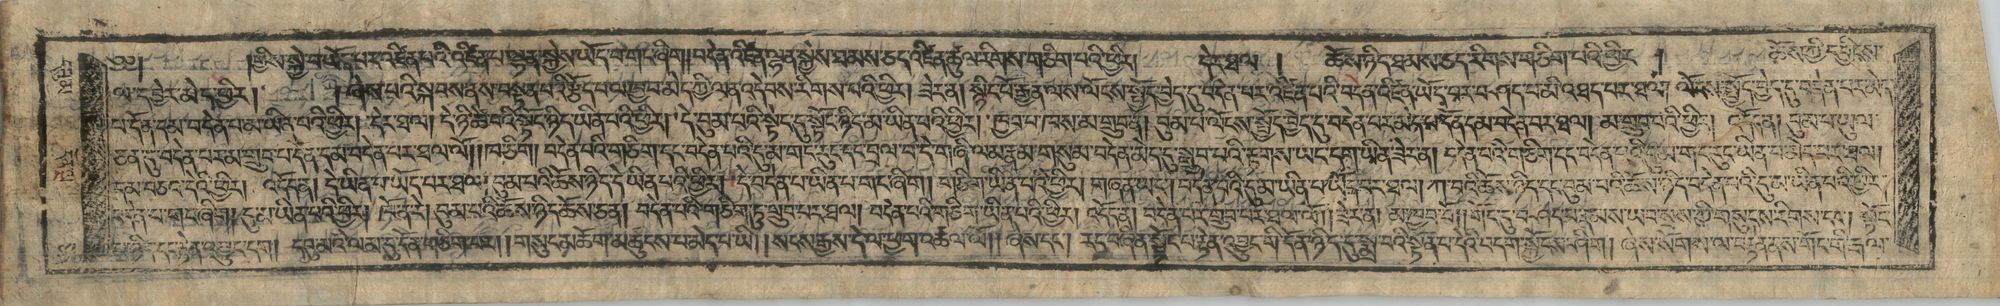༄༅། །གྱིས་སྐྱེ་བ་ཡོད་པར་འཛིན་པའི་འཛིན་པ་ལྷན་སྐྱེས་ཡོད་པ་གང་ཞིག ། བདེན་འཛིན་ལྷན་སྐྱེས་ཐམས་ཅད་འཛིན་ཚུལ་རིགས་གཅིག་པའི་ཕྱིར། དེར་ཐལ། ཆོས་ཉིད་ཐམས་ཅད་རིགས་གཅིག་པའི་ཕྱིར། ཆོས་ཀྱི་དབྱིངས་
ལ་དབྱེར་མེད་ཕྱིར། །ཞེས་པའི་སྐབས་ནས་བསྟན་པའི་རྩོད་པ་ལ་ཁྱབ་མེད་ཀྱི་ལན་འདེབས་རིགས་པའི་ཕྱིར། ཟེར་ན། སྙིང་པོ་རྒྱན་ལས་ལོངས་སྤྱོད་བྱེད་དུ་བདེན་པར་འཛིན་པའི་བདེན་འཛིན་ཡོད་པར་བཤད་པ་མི་འཐད་པར་ཐལ། ལོངས་སྤྱོད་བྱེད་དུ་བདེན་པར་མེད་
པ་དོན་དམ་བདེན་པ་མ་ཡིན་པའི་ཕྱིར། དེར་ཐལ། དེ་ཉི་ཚེ་བའི་སྟོང་ཉིད་ཡིན་པའི་ཕྱིར། དེ་བུམ་པའི་སྟེང་དུ་སྟོང་ཉིད་མ་ཡིན་པའི་ཕྱིར། ཁྱབ་པ་ཁས་མ་གྲུབ་ན། བུམ་པ་ལོངས་སྤྱོད་བྱེད་དུ་བདེན་པར་མེད་པ་དོན་དམ་བདེན་པར་ཐལ། མ་གྲུབ་པའི་ཕྱིར། འདོད་ན། བུམ་པ་ཡུལ་
ཅན་དུ་བདེན་པར་མ་གྲུབ་པ་དོན་དམ་བདེན་པར་ཐལ་ལོ། །ཁ་ཅིག ། བདེན་པའི་གཅིག་དང་བདེན་པའི་དུ་མ་གང་རུང་དང་བྲལ་བ་དེ་གཞི་ལམ་རྣམ་གསུམ་བདེན་མེད་དུ་སྒྲུབ་པའི་རྟགས་ཡང་དག་ཡིན་ཟེར་ན། བདེན་པའི་གཅིག་དང་བདེན་པའི་དུ་མ་གང་རུང་ཡིན་པ་མེད་པར་ཐལ།
དམ་བཅའ་དེའི་ཕྱིར། འདོད་ན། དེ་ཡིན་པ་ཡོད་པར་ཐལ། བུམ་པའི་ཆོས་ཉིད་དེ་ཡིན་པའི་ཕྱིར། དེ་བདེན་པ་ཡིན་པ་གང་ཞིག ། གཅིག་ཡིན་པའི་ཕྱིར། གཞན་ཡང་། བདེན་པའི་དུ་མ་ཡིན་པ་ཡོད་པར་ཐལ། ཀ་བའི་ཆོས་ཉིད་དང་བུམ་པའི་ཆོས་ཉིད་བདེན་པའི་དུ་མ་ཡིན་པའི་ཕྱིར།
བདེན་པ་གང་ཞིག ། དུ་མ་ཡིན་པའི་ཕྱིར། ཁོ་ན་རེ། བུམ་པའི་ཆོས་ཉིད་ཆོས་ཅན། བདེན་པའི་གཅིག་ཏུ་གྲུབ་པར་ཐལ། བདེན་པའི་གཅིག་ཡིན་པའི་ཕྱིར། འདོད་ན། བདེན་པར་གྲུབ་པར་ཐལ་ལོ། །ཟེར་ན། མ་ཁྱབ་བོ། །གོང་དུ་བཤད་པ་རྣམས་ཡབ་སྲས་ཀྱི་གསུངས་རིགས་དང་། སྟོང་
པ་ཉིད་དང་རྟེན་འབྱུང་དག ། དབུ་མའི་ལམ་དུ་དོན་གཅིག་པར། །གསུང་མཆོག་མཚུངས་པ་མེད་པ་ཡི། །སངས་རྒྱས་དེ་ལ་ཕྱག་འཚལ་ལོ། །ཞེས་དང་། རང་བཞིན་སྟོང་པ་རྟེན་འབྱུང་གི་དོན་ཉིད་དུ་སྨྲ་བའི་སྟོན་པ་དེའི་བདག་སྐྱོངས་ཤིག ། ཞེས་སོགས་ལ་བརྟེན་ནས་གོང་གི་རྒལ་